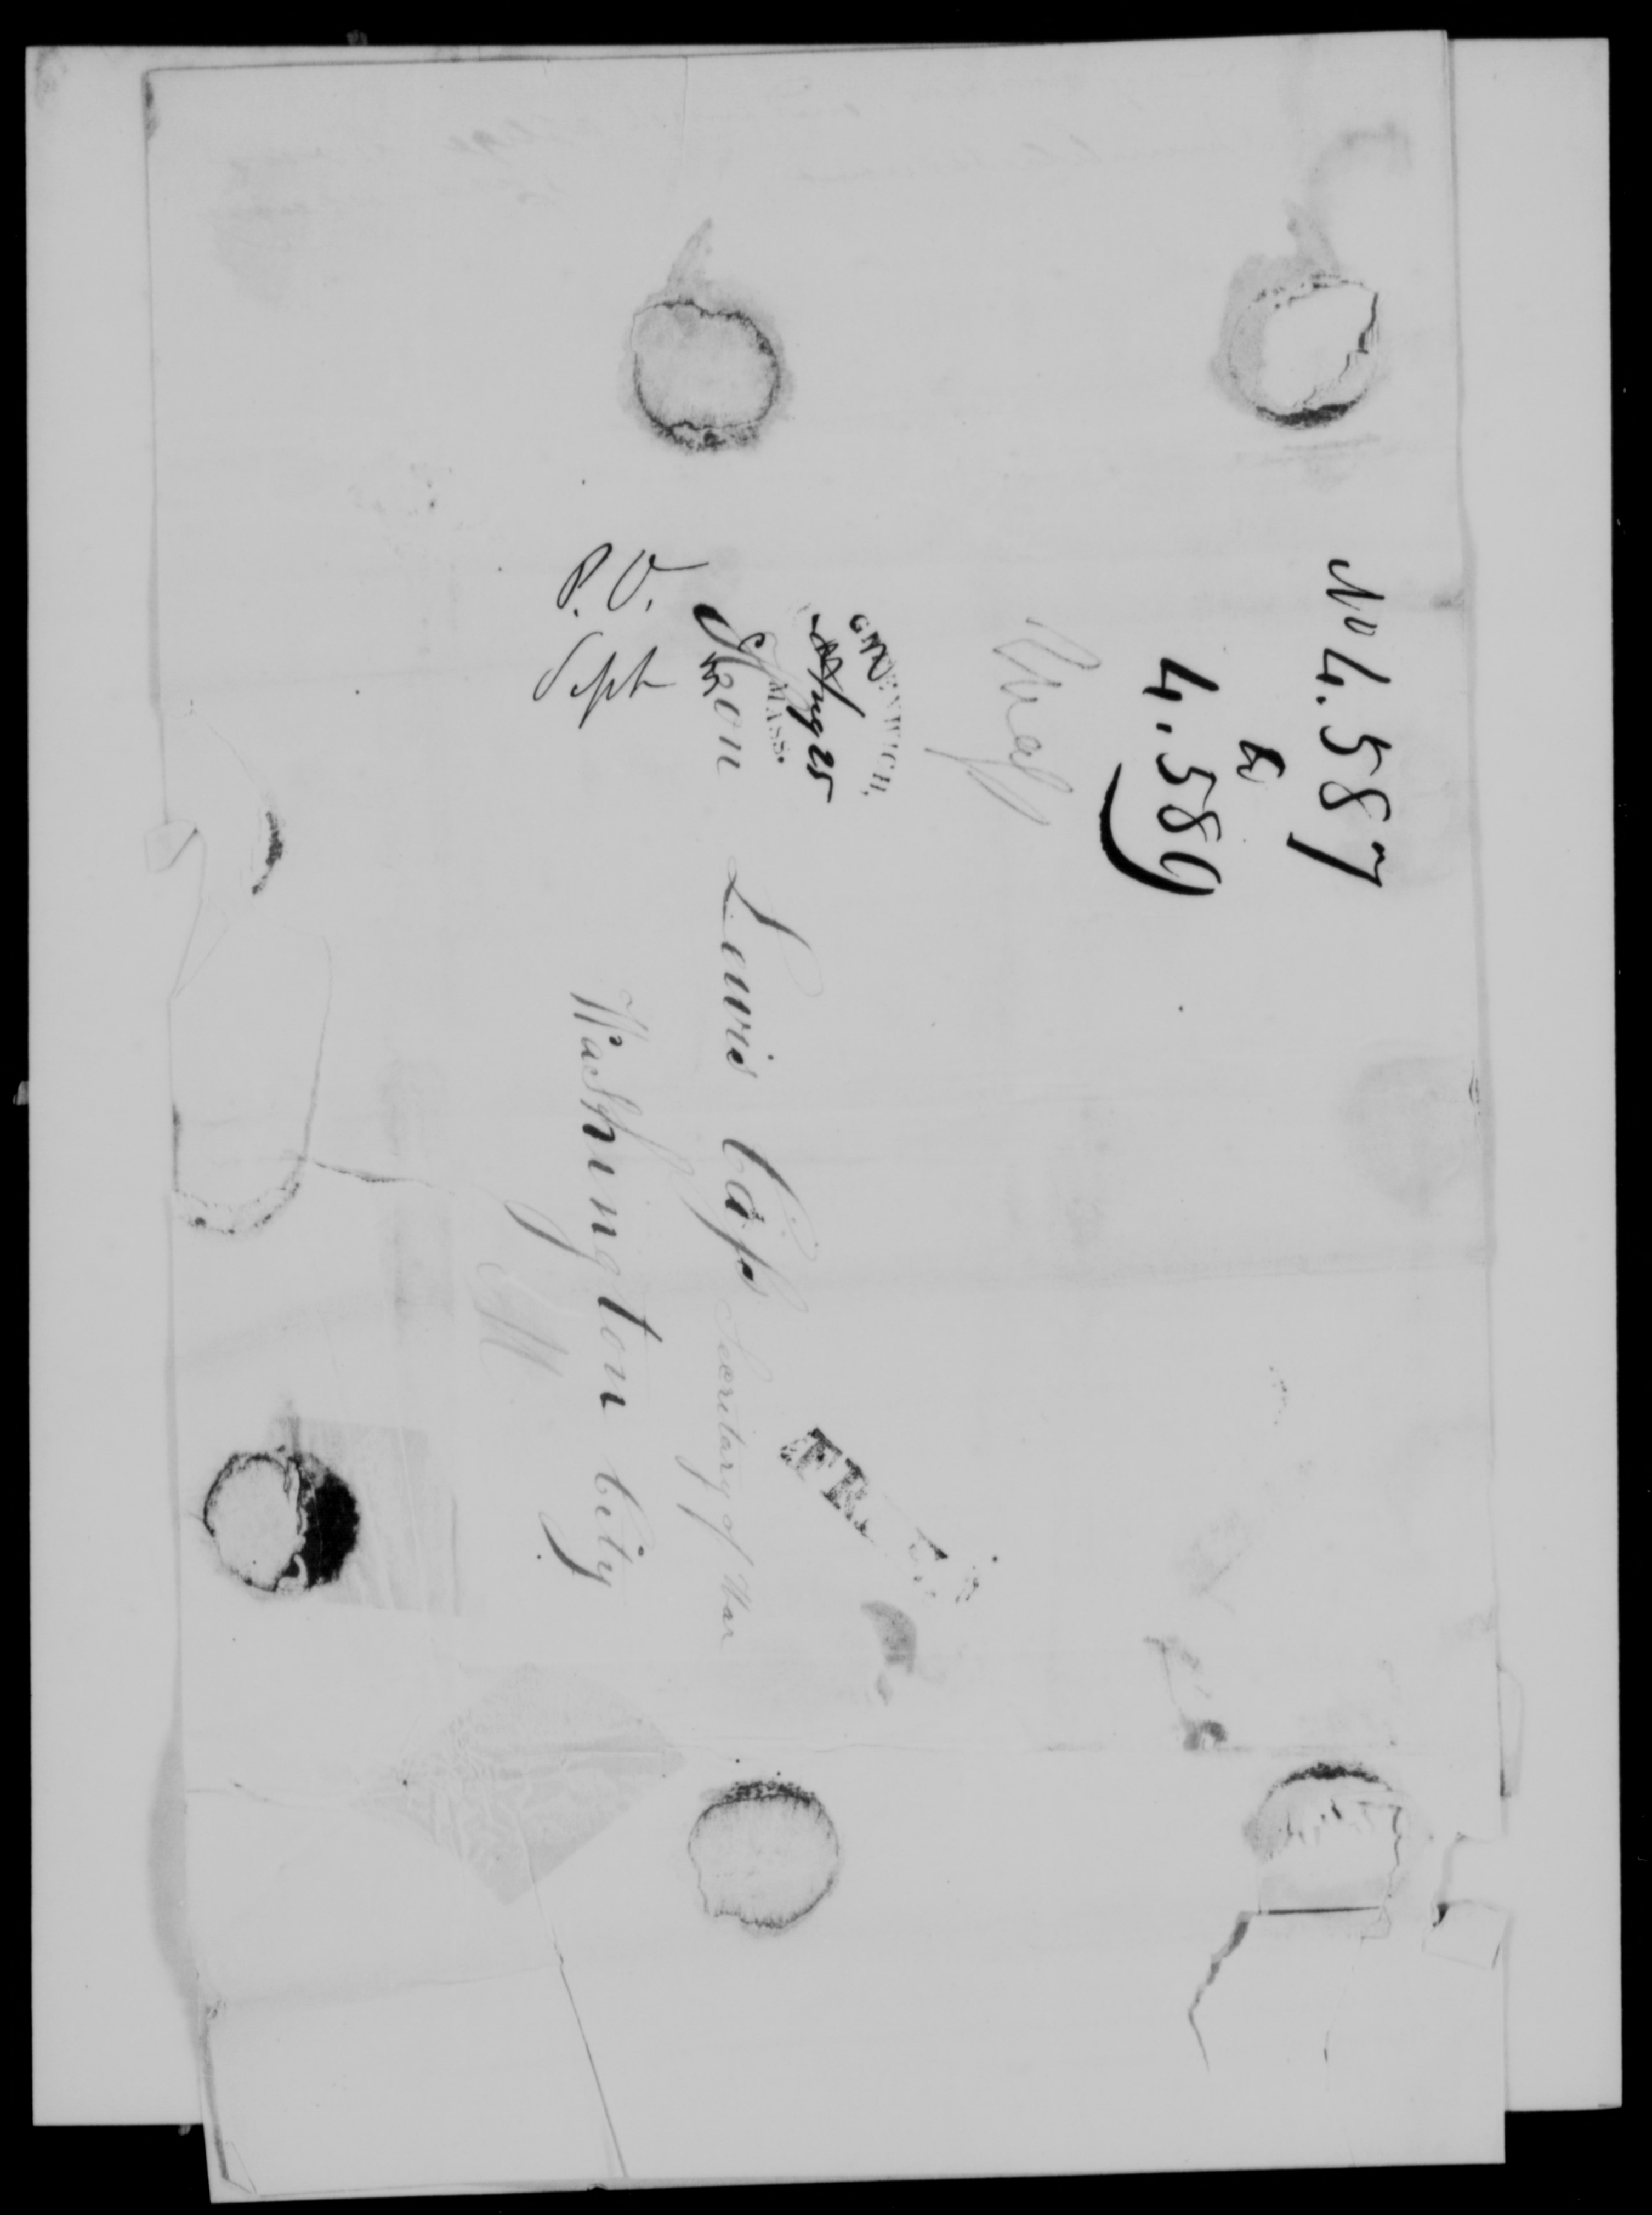No 4.587
4.589

PO
Sept3

GREENWICH
Aug 25
MASS

FREE

Lewis Cass Secretary of War
Washington City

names: Lewis Cass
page: 19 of 20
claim: survivor's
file: S. 11778, Silas Williams, Mass.